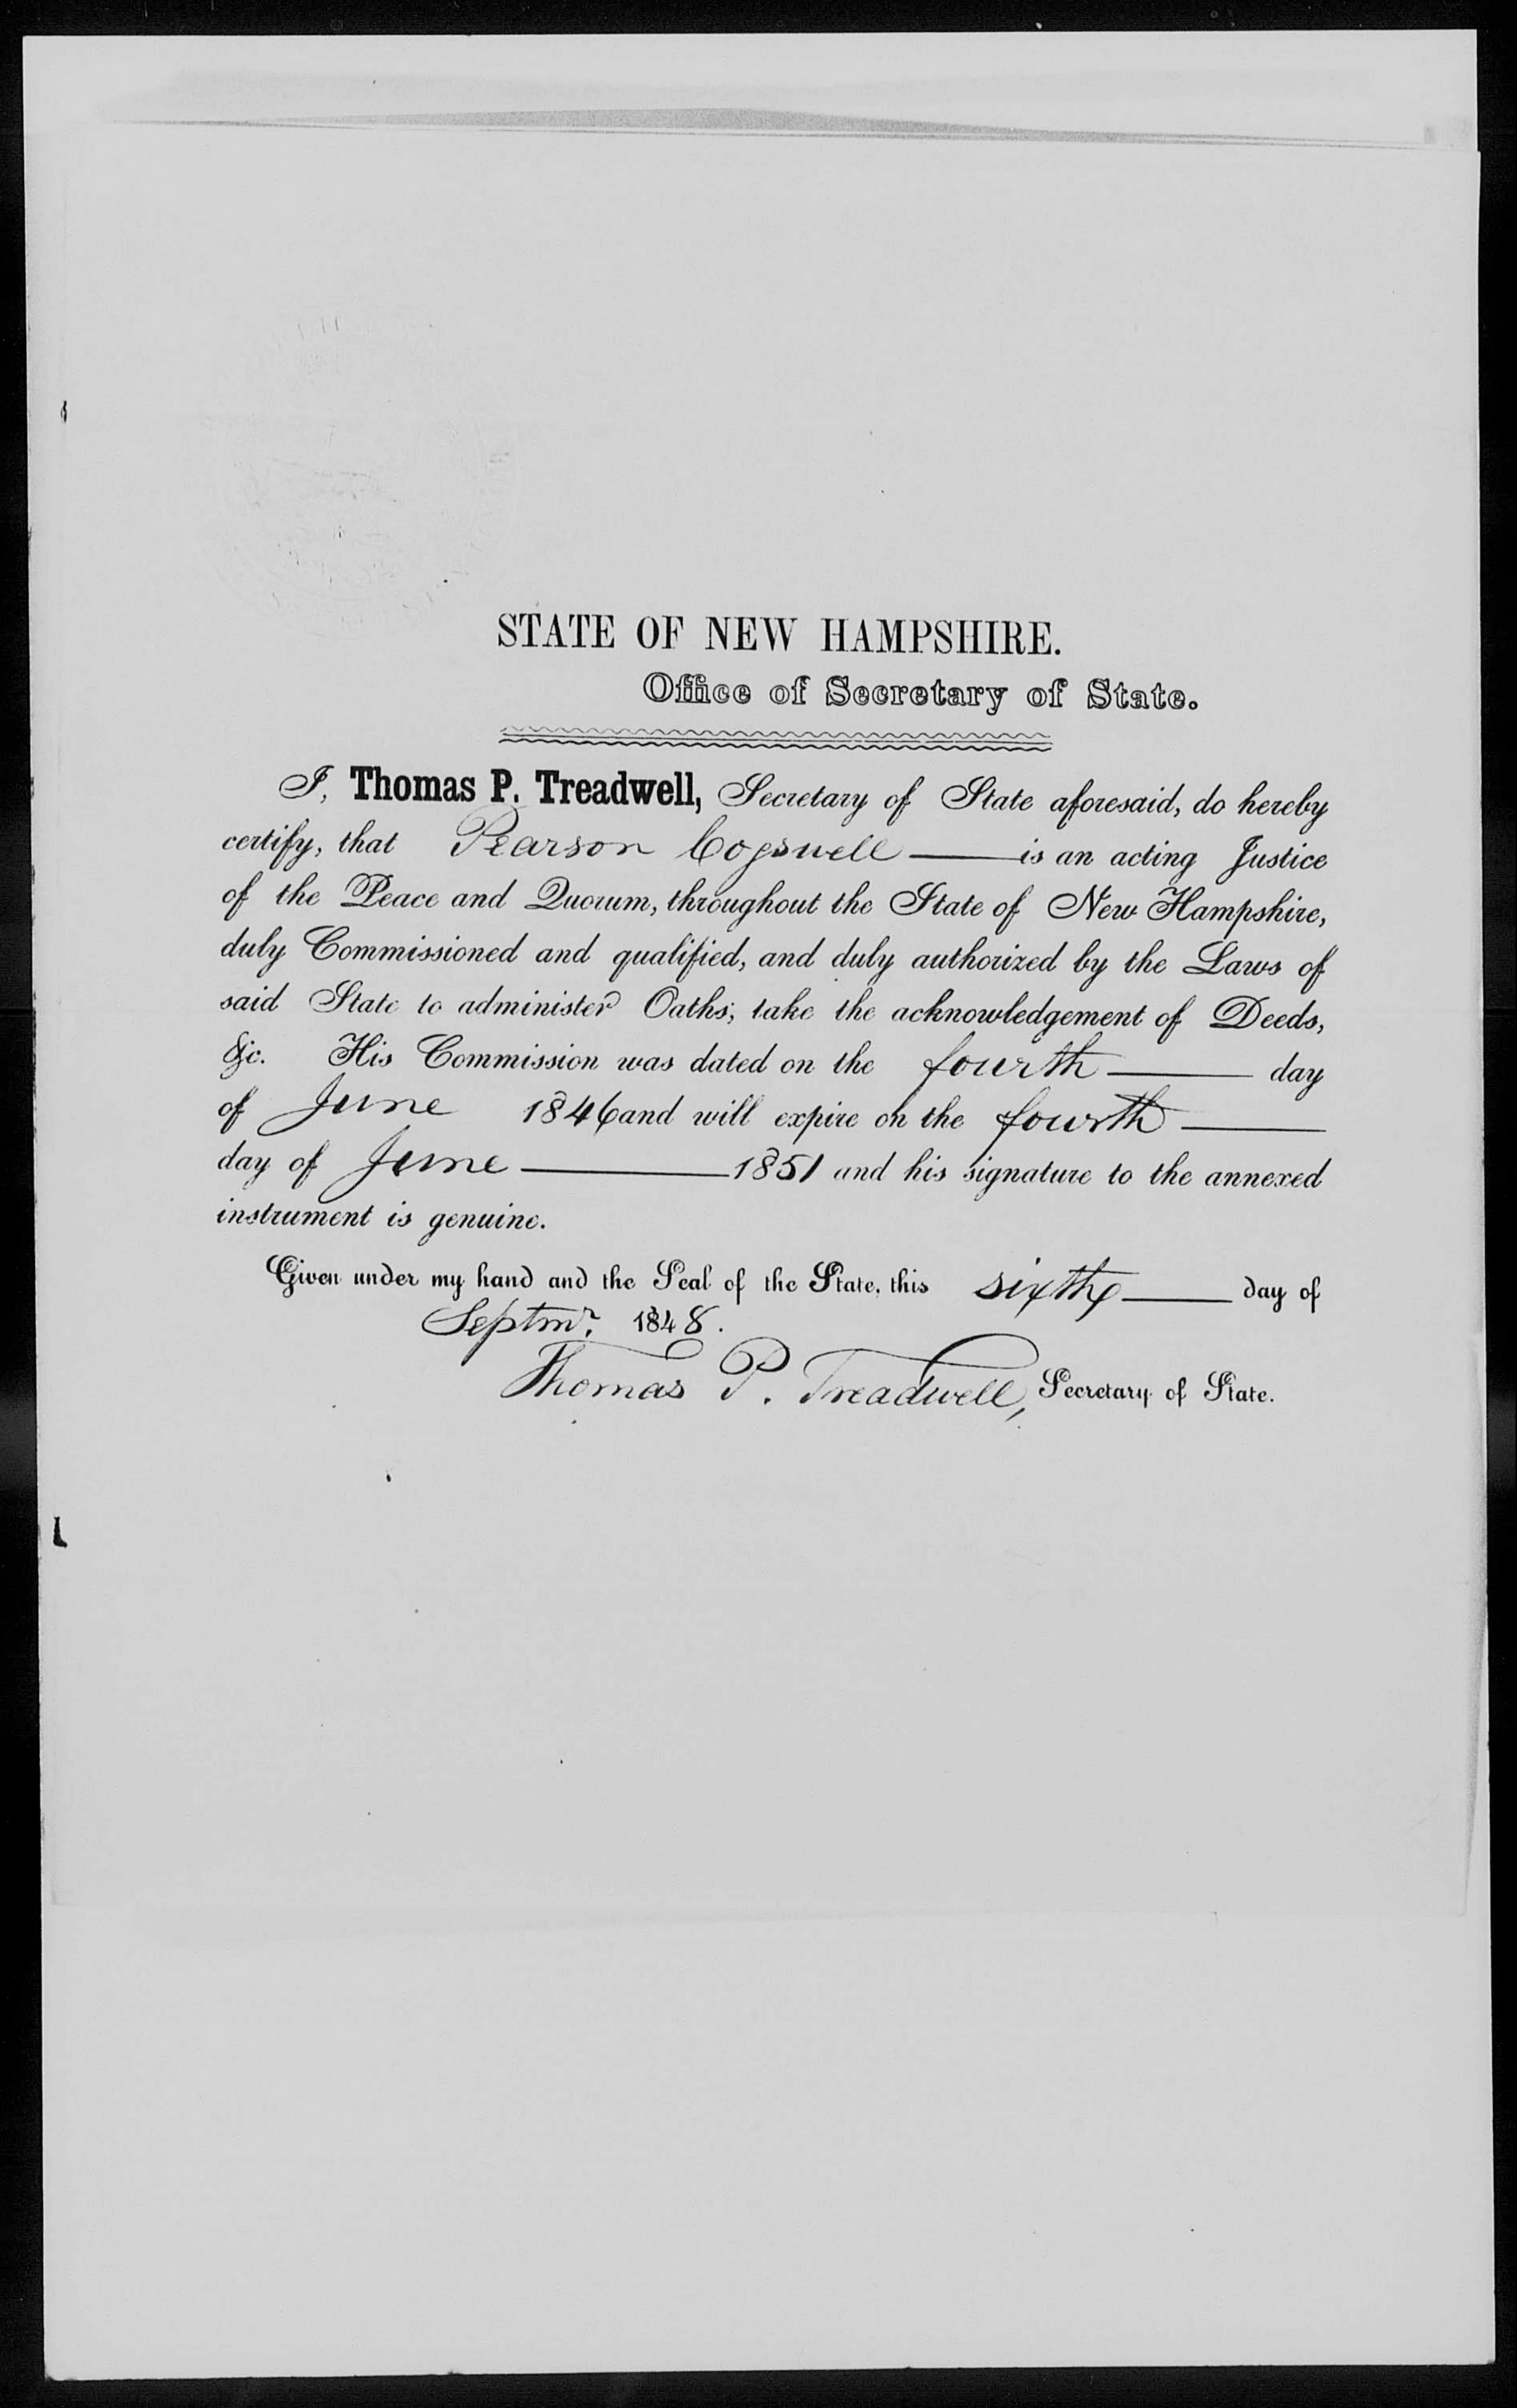STATE OF NEW HAMPSHIRE.
Office of Secretary of State.
I, Thomas P. Treadwell, Secretary of State aforesaid, do hereby certify, that Pe of the Peace and Quorum, throughout the State of New Hampshire, duly Commissioned and qualified, and duly authorized by the Laws of said State to administer Oaths, take the acknowledgement of Deeds, &c. His Commission was dated on the fourth - day of June - 1846 and will expire on the fourth - day of June - 1851 and his signature to the annexed instrument is genuine.
Given under my hand and the Seal of the State, this sixth - day of Septmr 1848.
Thomas P. Treadwell, Secretary of State.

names: Thomas P Treadwell, Thomas P Treadwell, Pearson Cogswell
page: 21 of 43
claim: widow's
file: W. 21665, Ebenezer Bennett, N. H. Privateer.